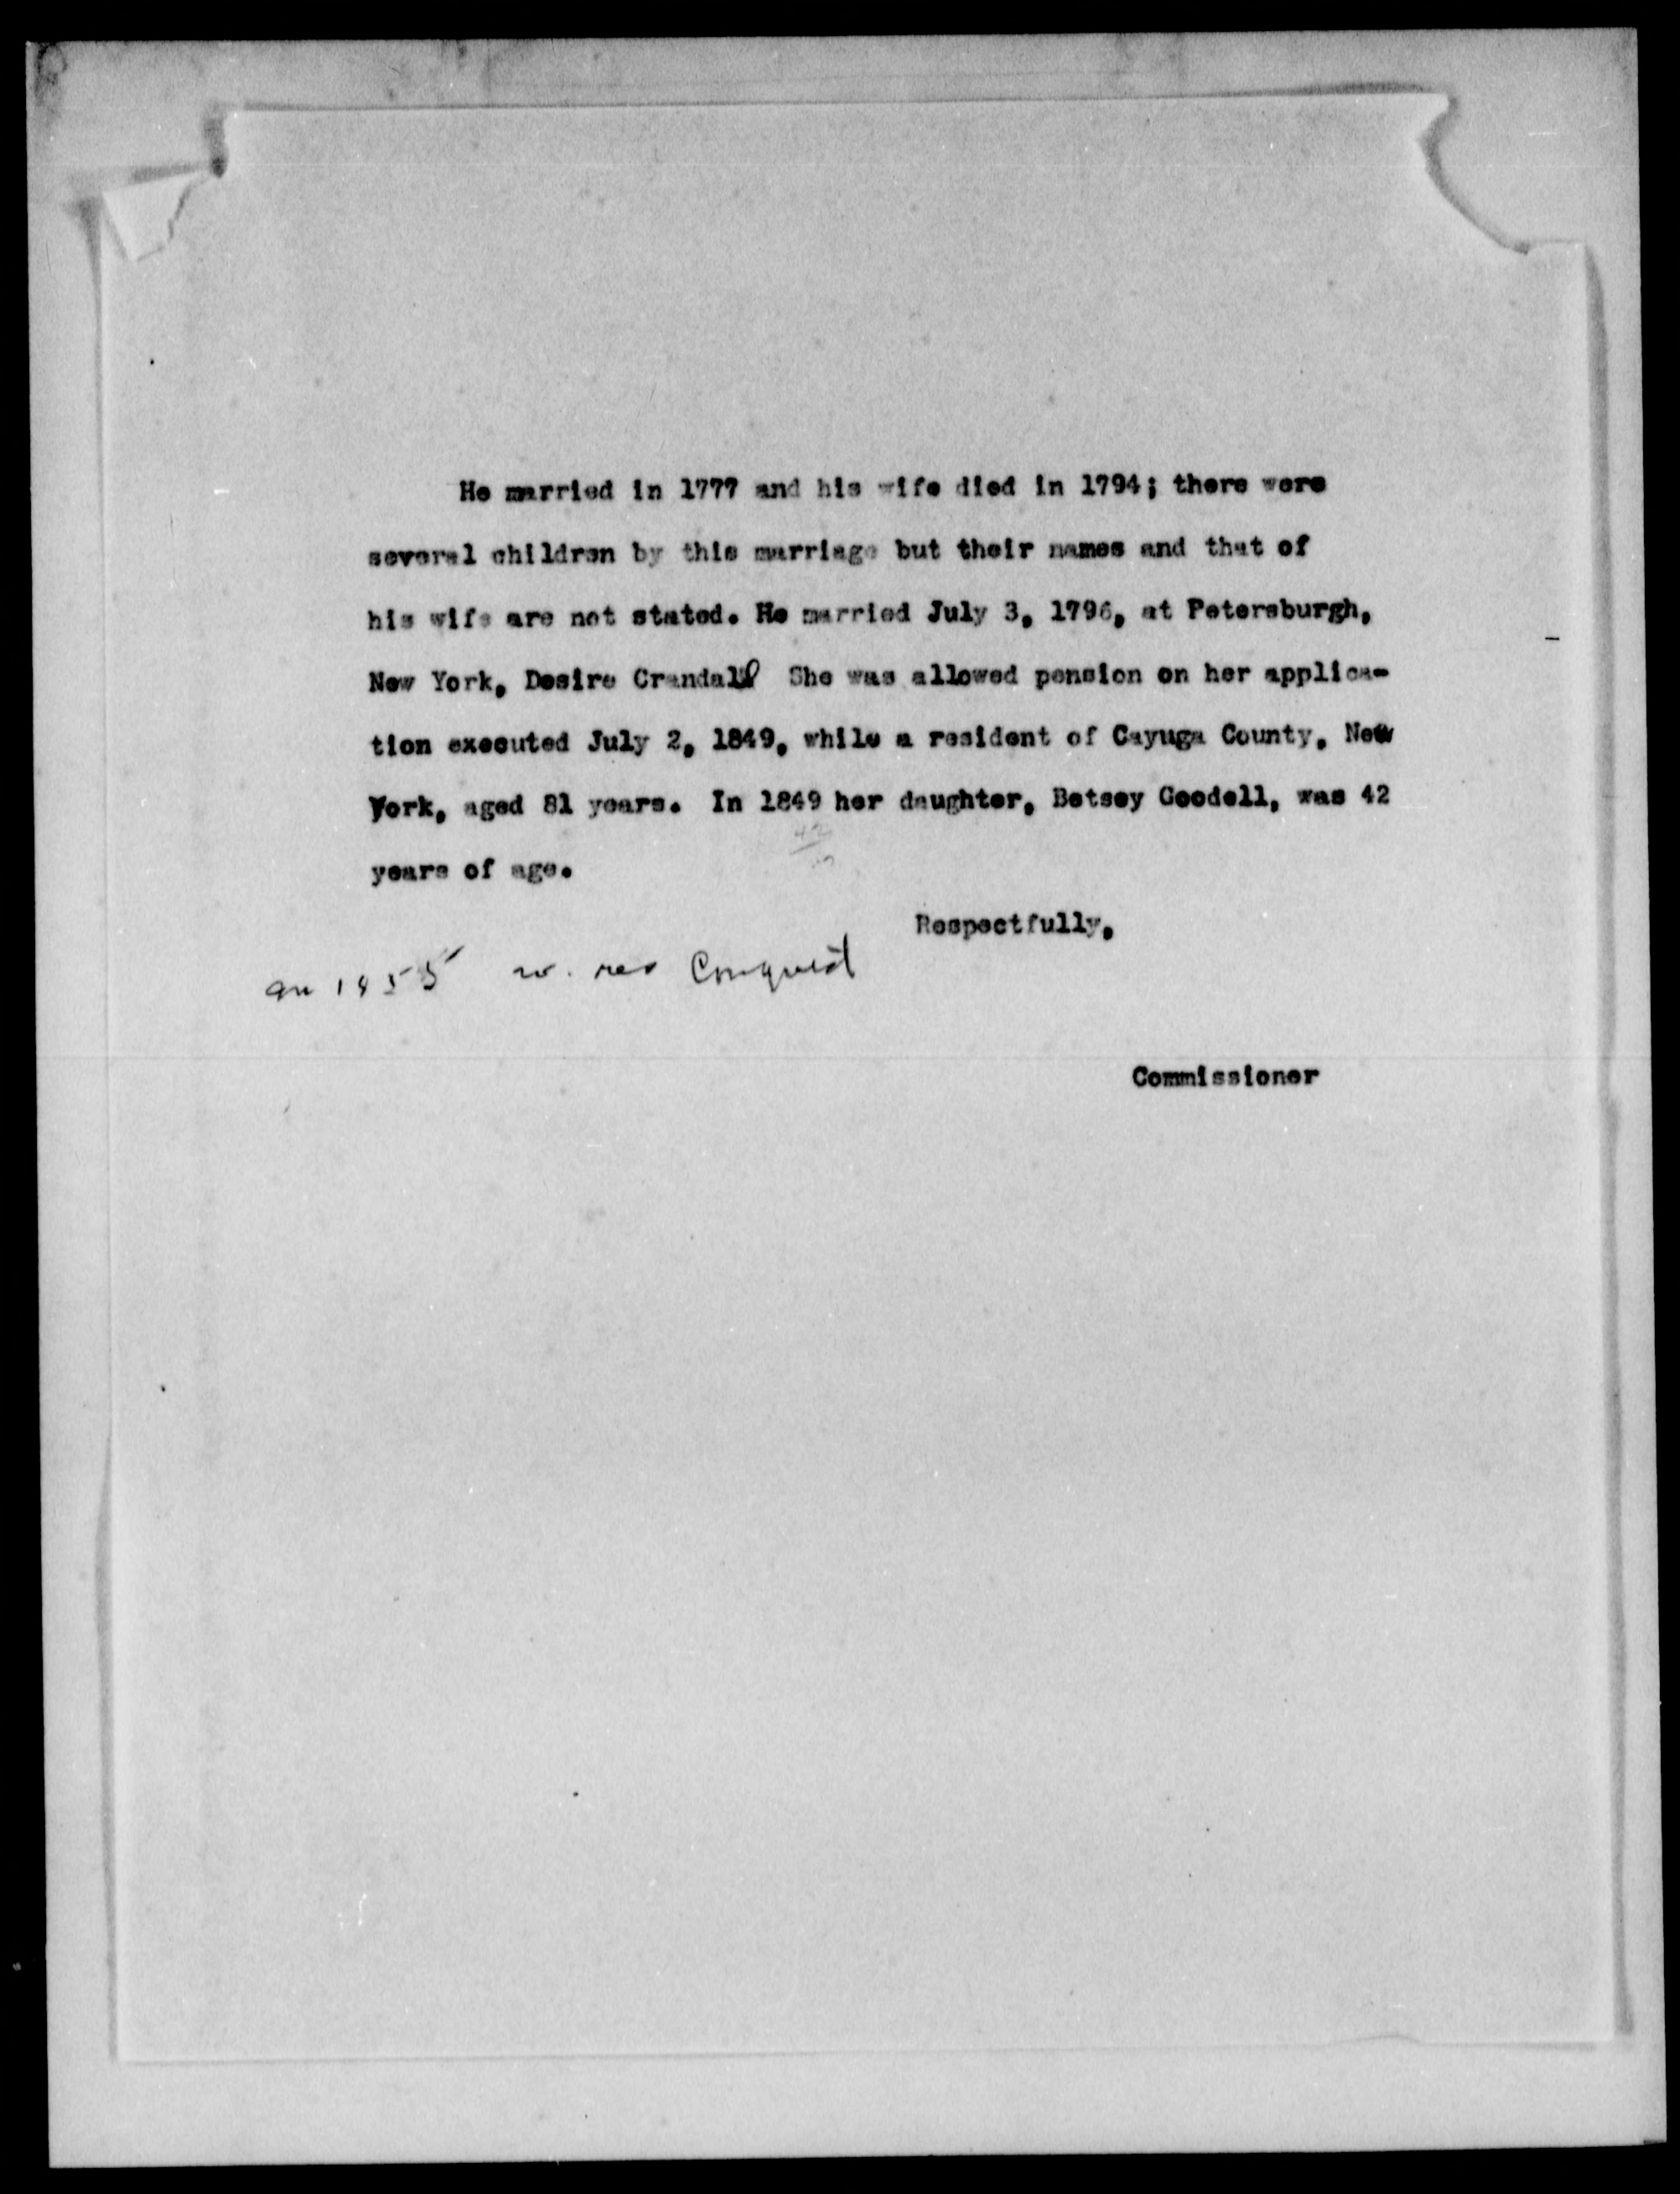He married in 1777 and his wife died in 1794; there were several children by this marriage but their names and that of his wife are not stated. He married July 3, 1796, at Petersburgh, New York, Desire Crandall. She was allowed pension on her application executed July 2, 1849, while a resident of Cayuga County, New York, aged 81 years. In 1849 her daughter Betsey Good was 42 years of age.
Respectfully,
Commissioner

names: Betsey Goodell, Desire Crandall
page: 47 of 98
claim: widow's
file: W. 1682, Valentine Wheeler, Mass.